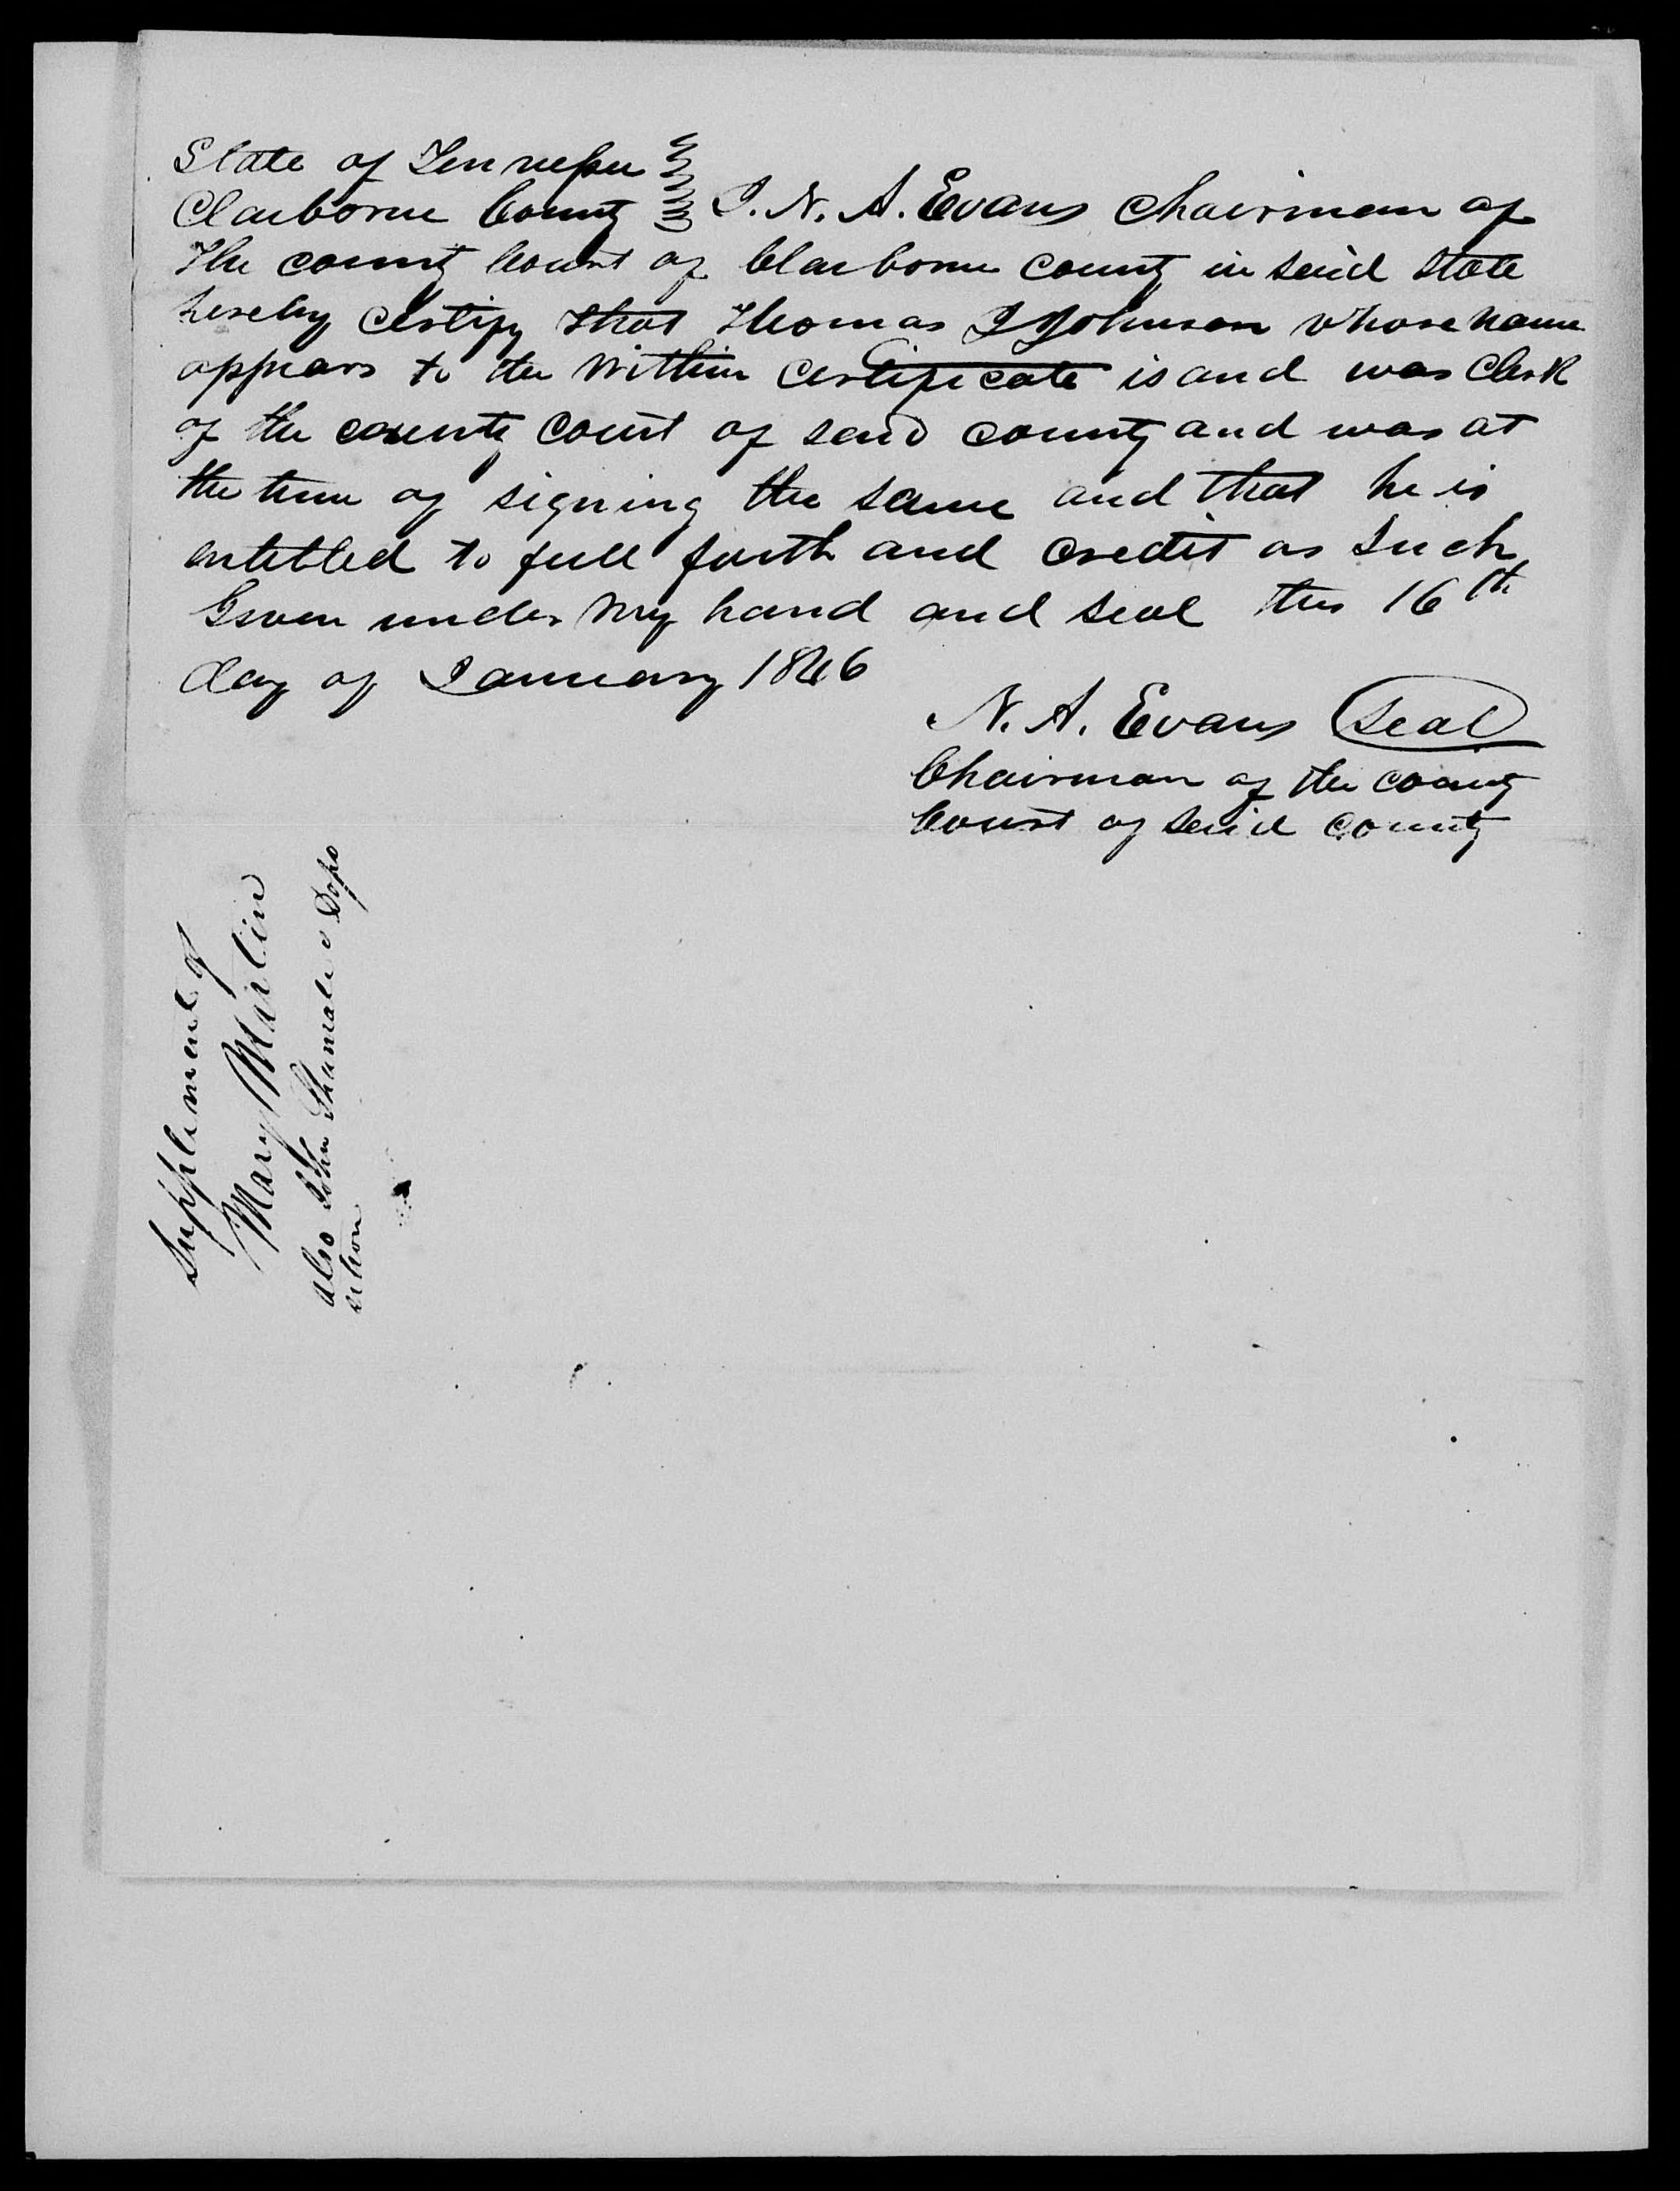State of Tennessee )
Claiborne County   )
I.N.A. Evans Chairman of
the county court of Claiborne County in said state
hereby certify that Thomas J Johnson whose name
appears to the within certificate is and was Clerk
of the county court of said county and was at
the time of signing the same and that he is
entitled to full faith and credit as Such
Given under my hand and Seal this 16th
day of January 1846
N.A. Evans (seal)
Chairman of the County
Court of said County

[vertical left side]
Supplement of
Mary Martin
also John Shumates Depo
action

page: 112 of 120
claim: widow's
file: W. 1044, for Salathiel Martin, North Carolina